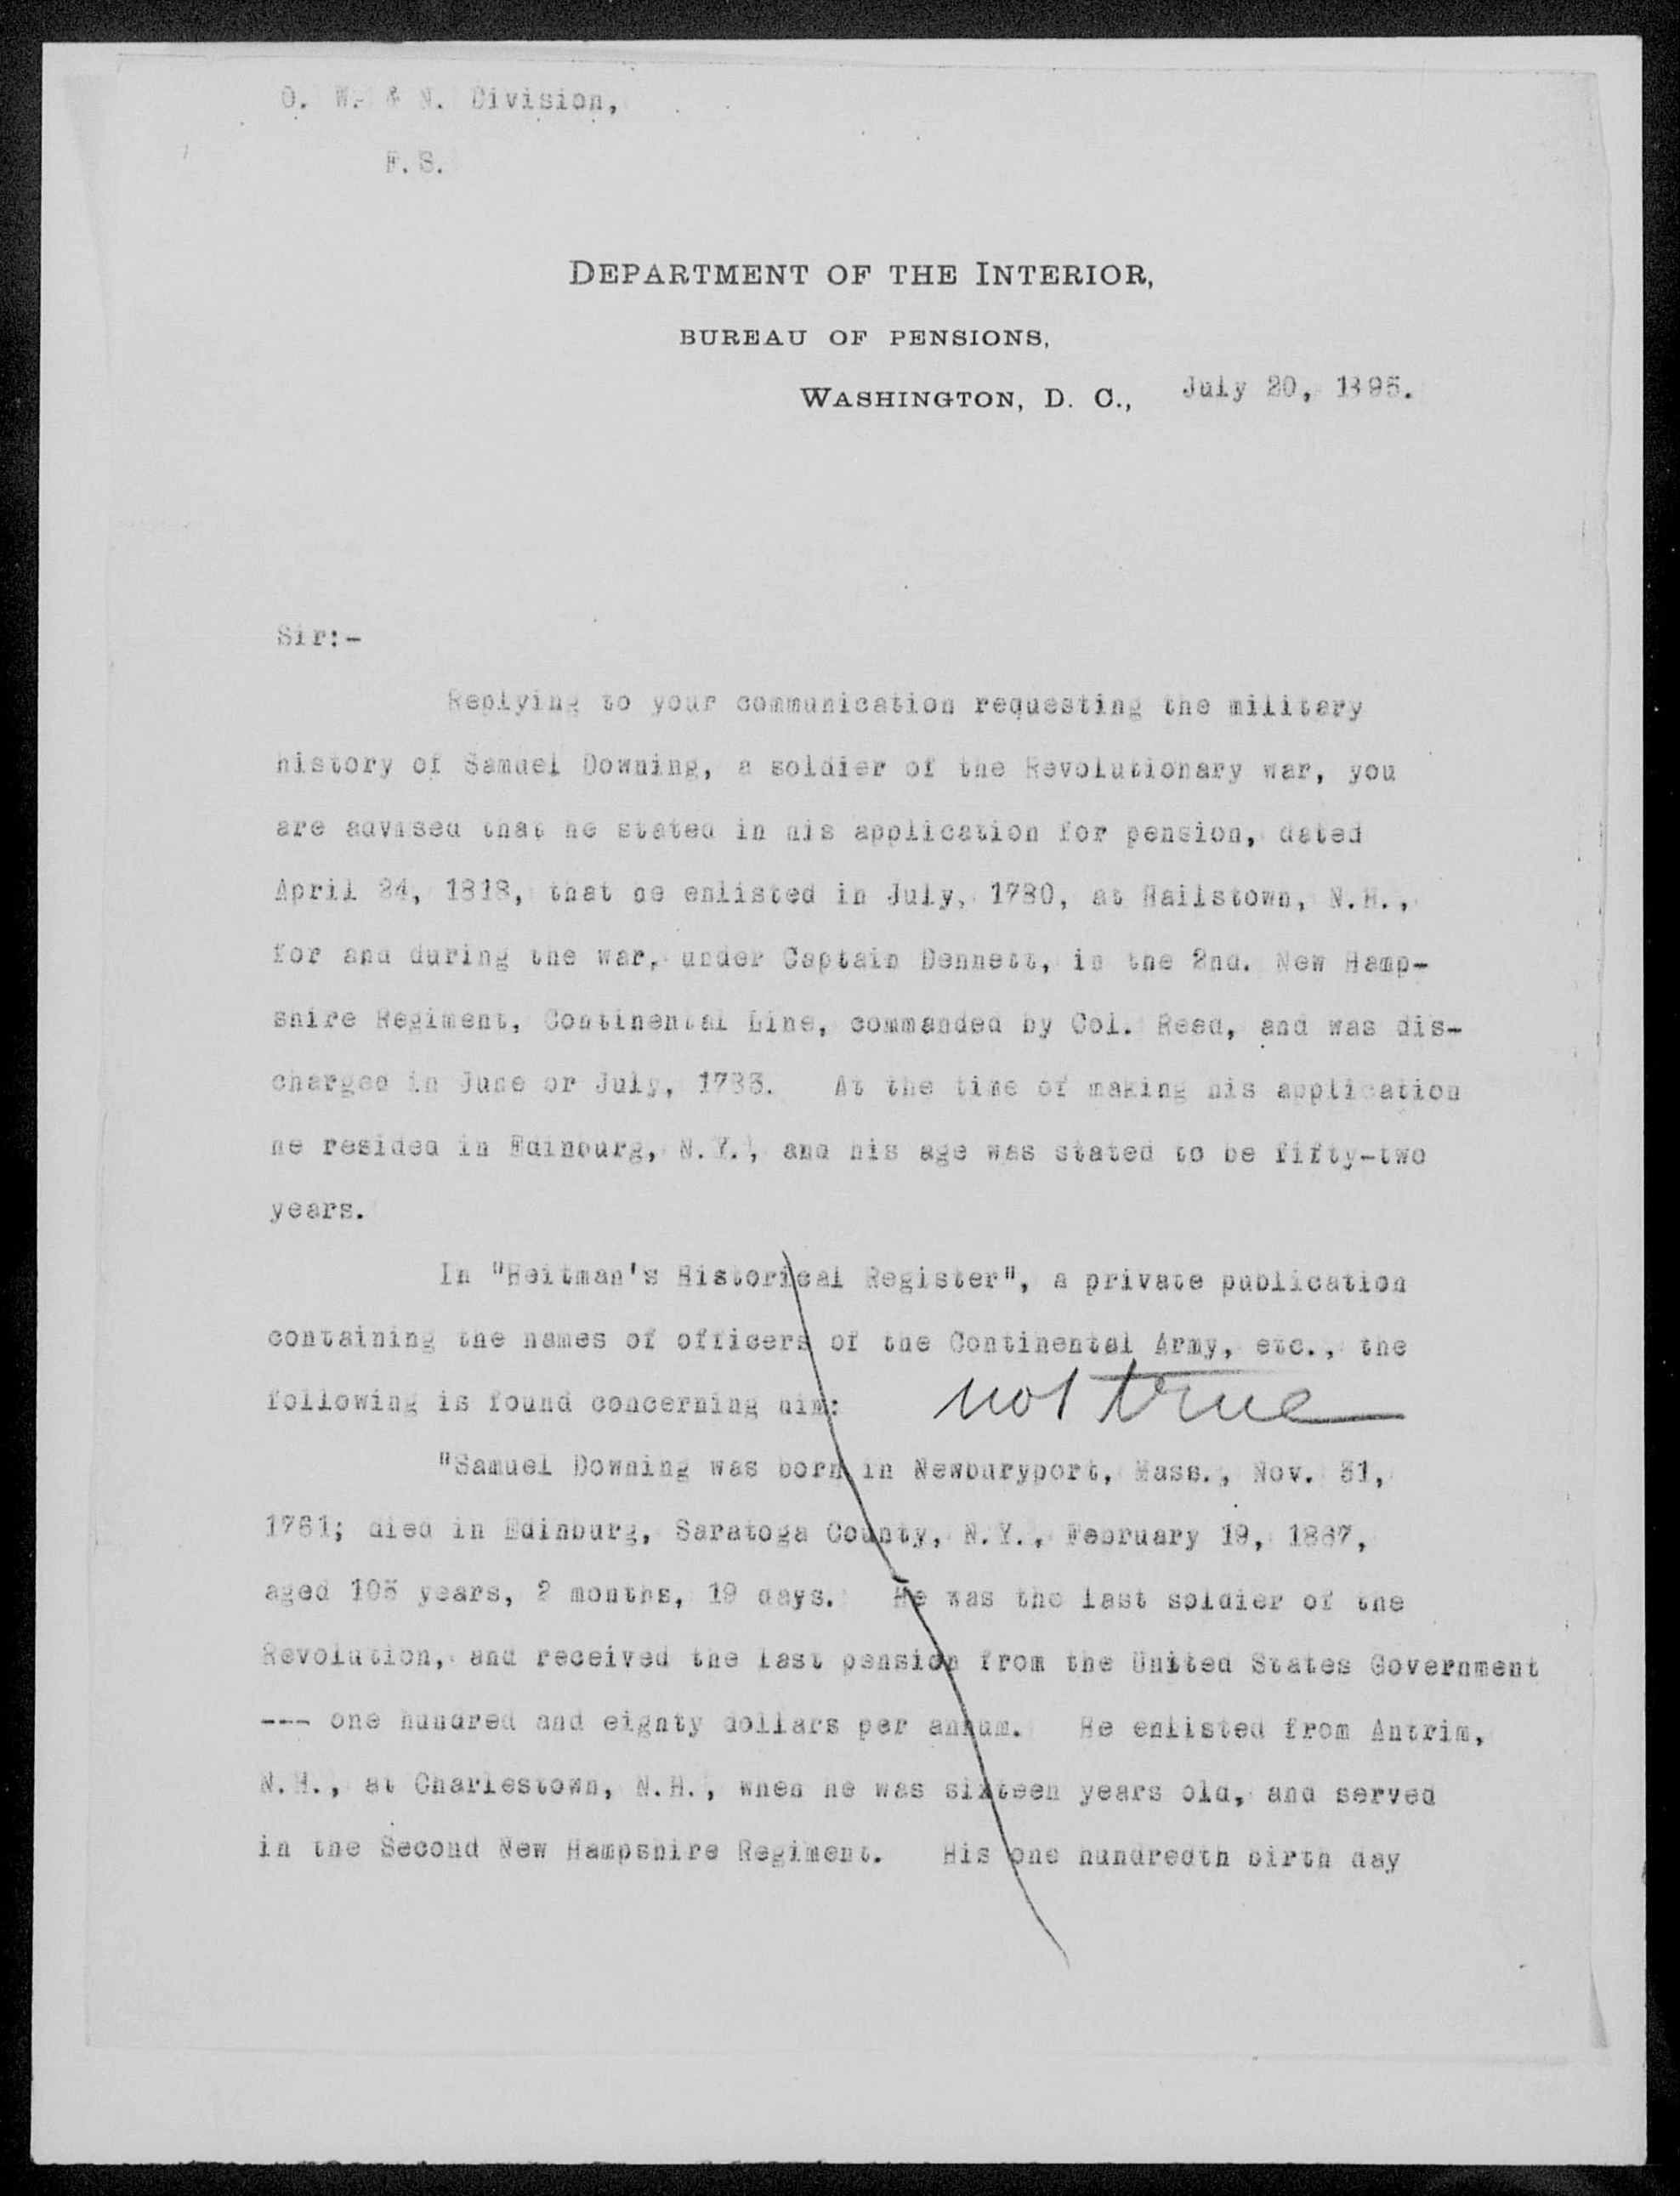O. W. & N. Division,
F. S.
DEPARTMENT OF THE INTERIOR,
BUREAU OF PENSIONS,
WASHINGTON, D. C.,   July 20 1895.
Sir:-
Replying to your communication requesting the military history of Samuel Downing, a soldier of the Revolutionary war, you are advised that he stated in his application for pension, dated April 24, 1818, that he enlisted in July, 1780, at Hailstown, N.H., for and during the war, under Captain Dennett’s, in the 2nd. New Hampshire Regiment, Continental Line, commanded by Col. Reed, and was discharged in June or July 1783. At the time of making his application he resided in Edinburgh, N.Y., and his age was stated to be fifty-two years.
In “Haitman’s  Historical Register “, a private publication containing the names of officers of the Continental Army, etc., the following is found concerning him: not true
“Samuel Downing was born in Newburyport, Mass., Nov.31, 1781; died in Edinburgh, Saratoga County, N.Y., February 19, 1887, aged 103 years , 2 months, 19 days. He was the last soldier of the Revolution, and received the last pension from the United States Government—- one hundred and eighty dollars per annum.  He enlisted from Antrim, N. H., at Charlestown, N.H., when he was sixteen years old, and served in  the Second New Hampshire Regiment. His one hundredth birth day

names: Samuel Downing, Heitman, Samuel Downing, Dennett, Reed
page: 24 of 56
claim: survivor's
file: S. 40,055, Samuel Downing, N.H.